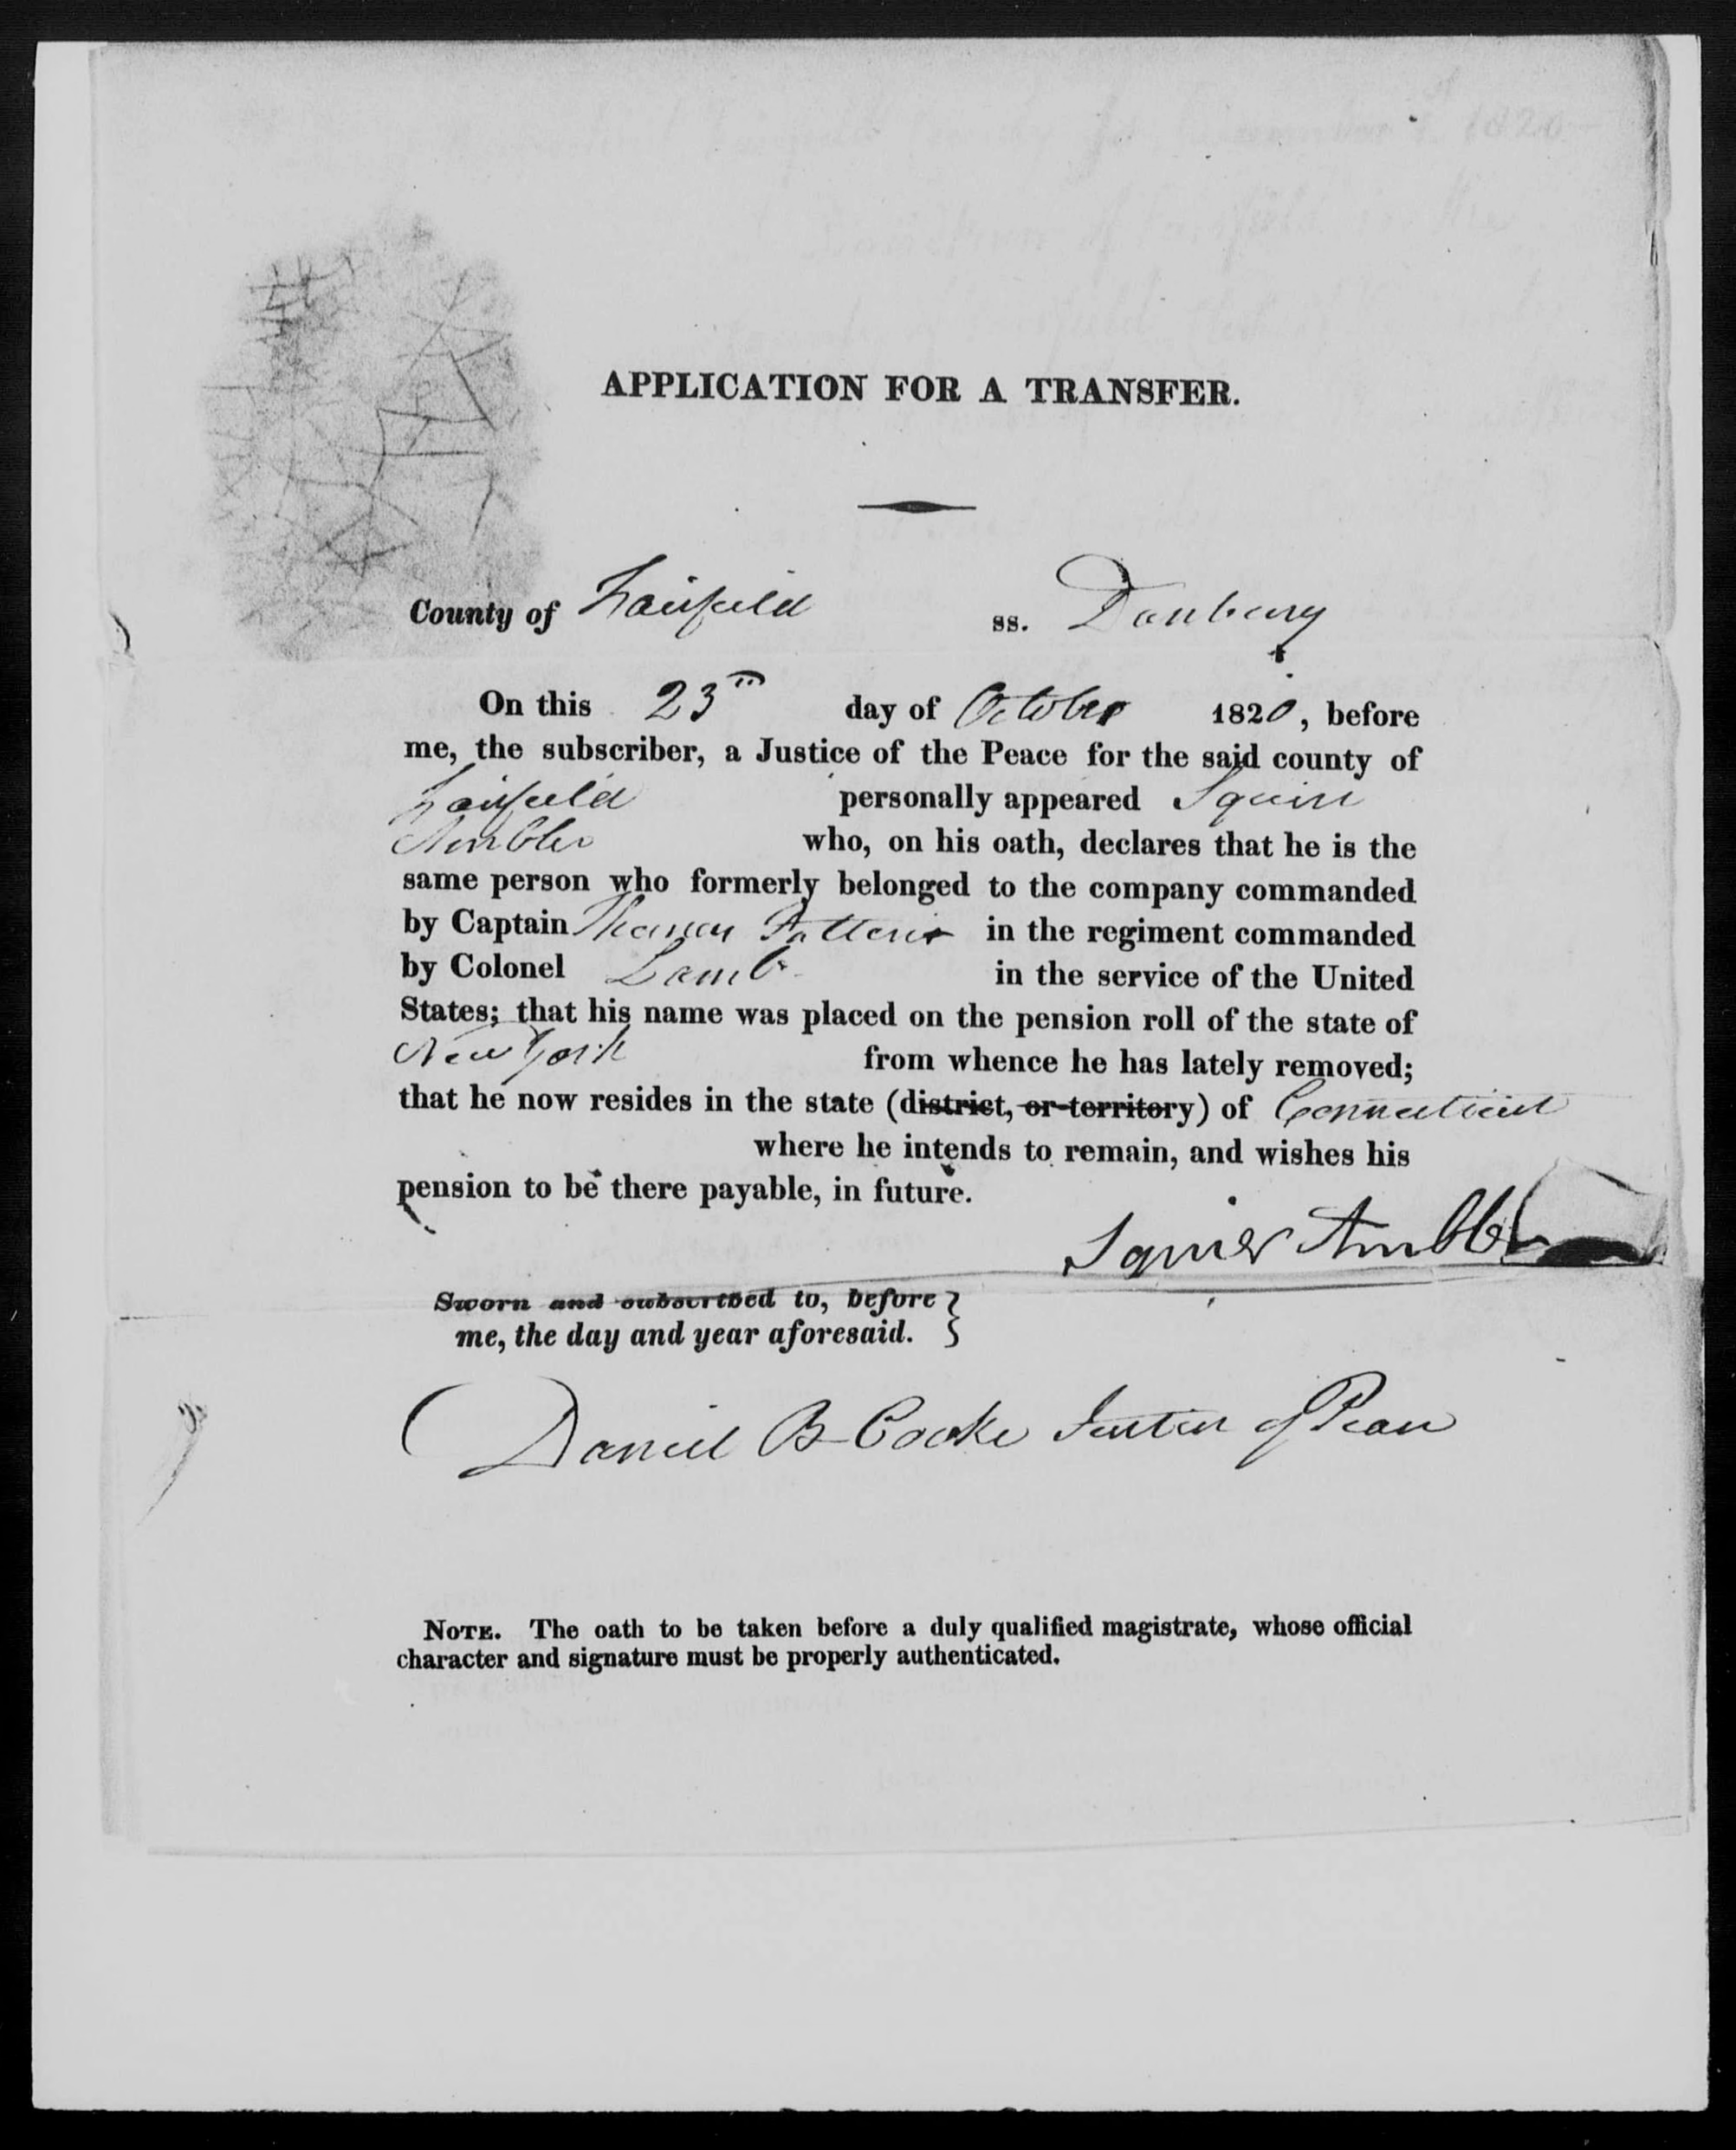APPLICATION FOR A TRANSFER.

County of Fairfield ss. Danbury
On this 23rd day of October 1820, before
me, the subscriber, a Justice of the Peace for the said county of Fairfield personally appeared Squire Ambler who, on his oath, declares that he is the same person who formerly belonged to the company commanded by Captain Thomas Pattens in the regiment commanded by Colonel Lamb in the service of the United States; that his name was placed on the pension roll of the state of New York from whence he has lately removed;
that he now resides in the state [crossed out: (district, or territory)] of Connecticut where he intends to remain, and wishes his pension to be there payable, in future.
Squire Amber [signature]
---
Sworn and subscribed to, before me, the day and year aforesaid 
Daniel B Cooke Justice of Peace [signature]

NOTE. The oath to be taken before a duly qualified magistrate, whose official character and signature must be properly authenticated.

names: Squire Ambler, Lamb, Daniel B Cooke, Squier Ambler, Thomas Patten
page: 35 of 39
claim: widow's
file: W. 2,056, Squire Ambler, Continental (Sol. Res. In N.Y. & Conn.)